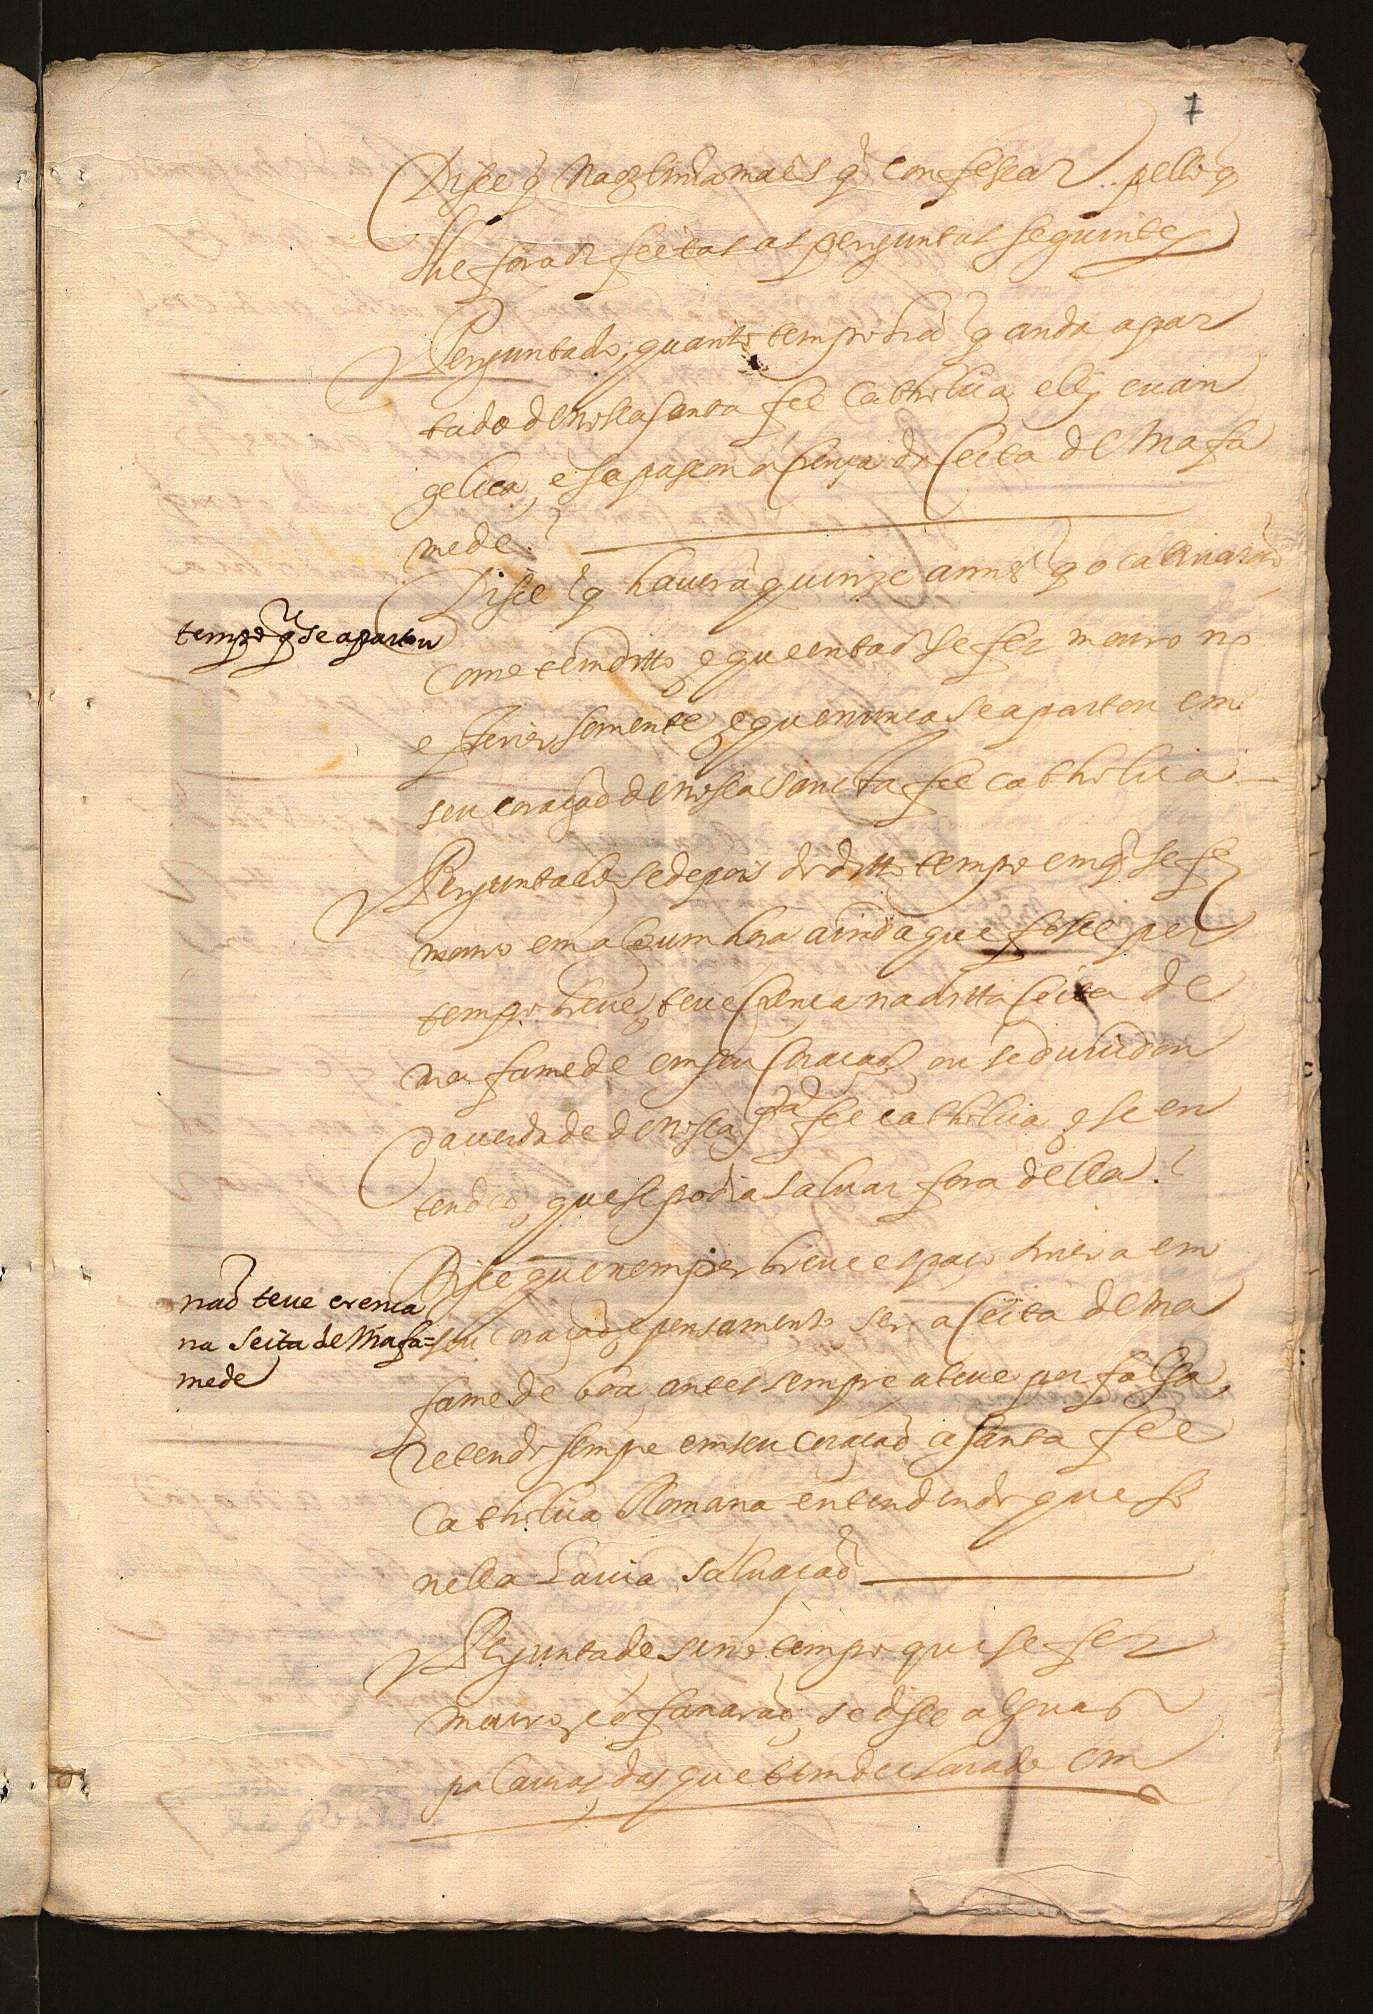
Disse q̄ naõ tinha maes q̄ confessar. pello q̄
lhe foraõ feitas as perguntas seguintes
item Perguntado, quanto tempo hà q̄ anda apar
tado de nossa santa fee catholica e ley euan
gelica, e se passou á Crença da Ceita de mafa
mede?
Disse q̄ hauerà quinze annos q̄ o catiuaraõ
tempo q̄ se apartou
como tem ditto e que entaõ se fez mouro no
exterior somente, e que nunca se apartou em
seu coraçaõ de nossa sancta fee catholica
item Perguntado se depois do ditto tempo em q̄ se fez
mouro em algum hora ainda que fosse per
tempo breue teue Crença na ditta Ceita de
mafamede em seu Coraçaõ ou se duuidou
da uerdade de nossa sta fee catholica, e se en
tendeo, que se podia saluar fora della?
Disse que nem por breue espaço tiuera em
naõ teue crença
na seita de Mafa
seu coraçaõ e pensamento ser a Ceita de ma
famede boa, antes sempre a teue por falsa,
mede
retendo sempre em seu coraçaõ a santa fee
Catholica Romana entendendo que só
nella hauia saluaçaõ
item Perguntado se no tempo que se fez
mouro, e o fanaraõ, se disse alguās
palauras das que tem declarado em
